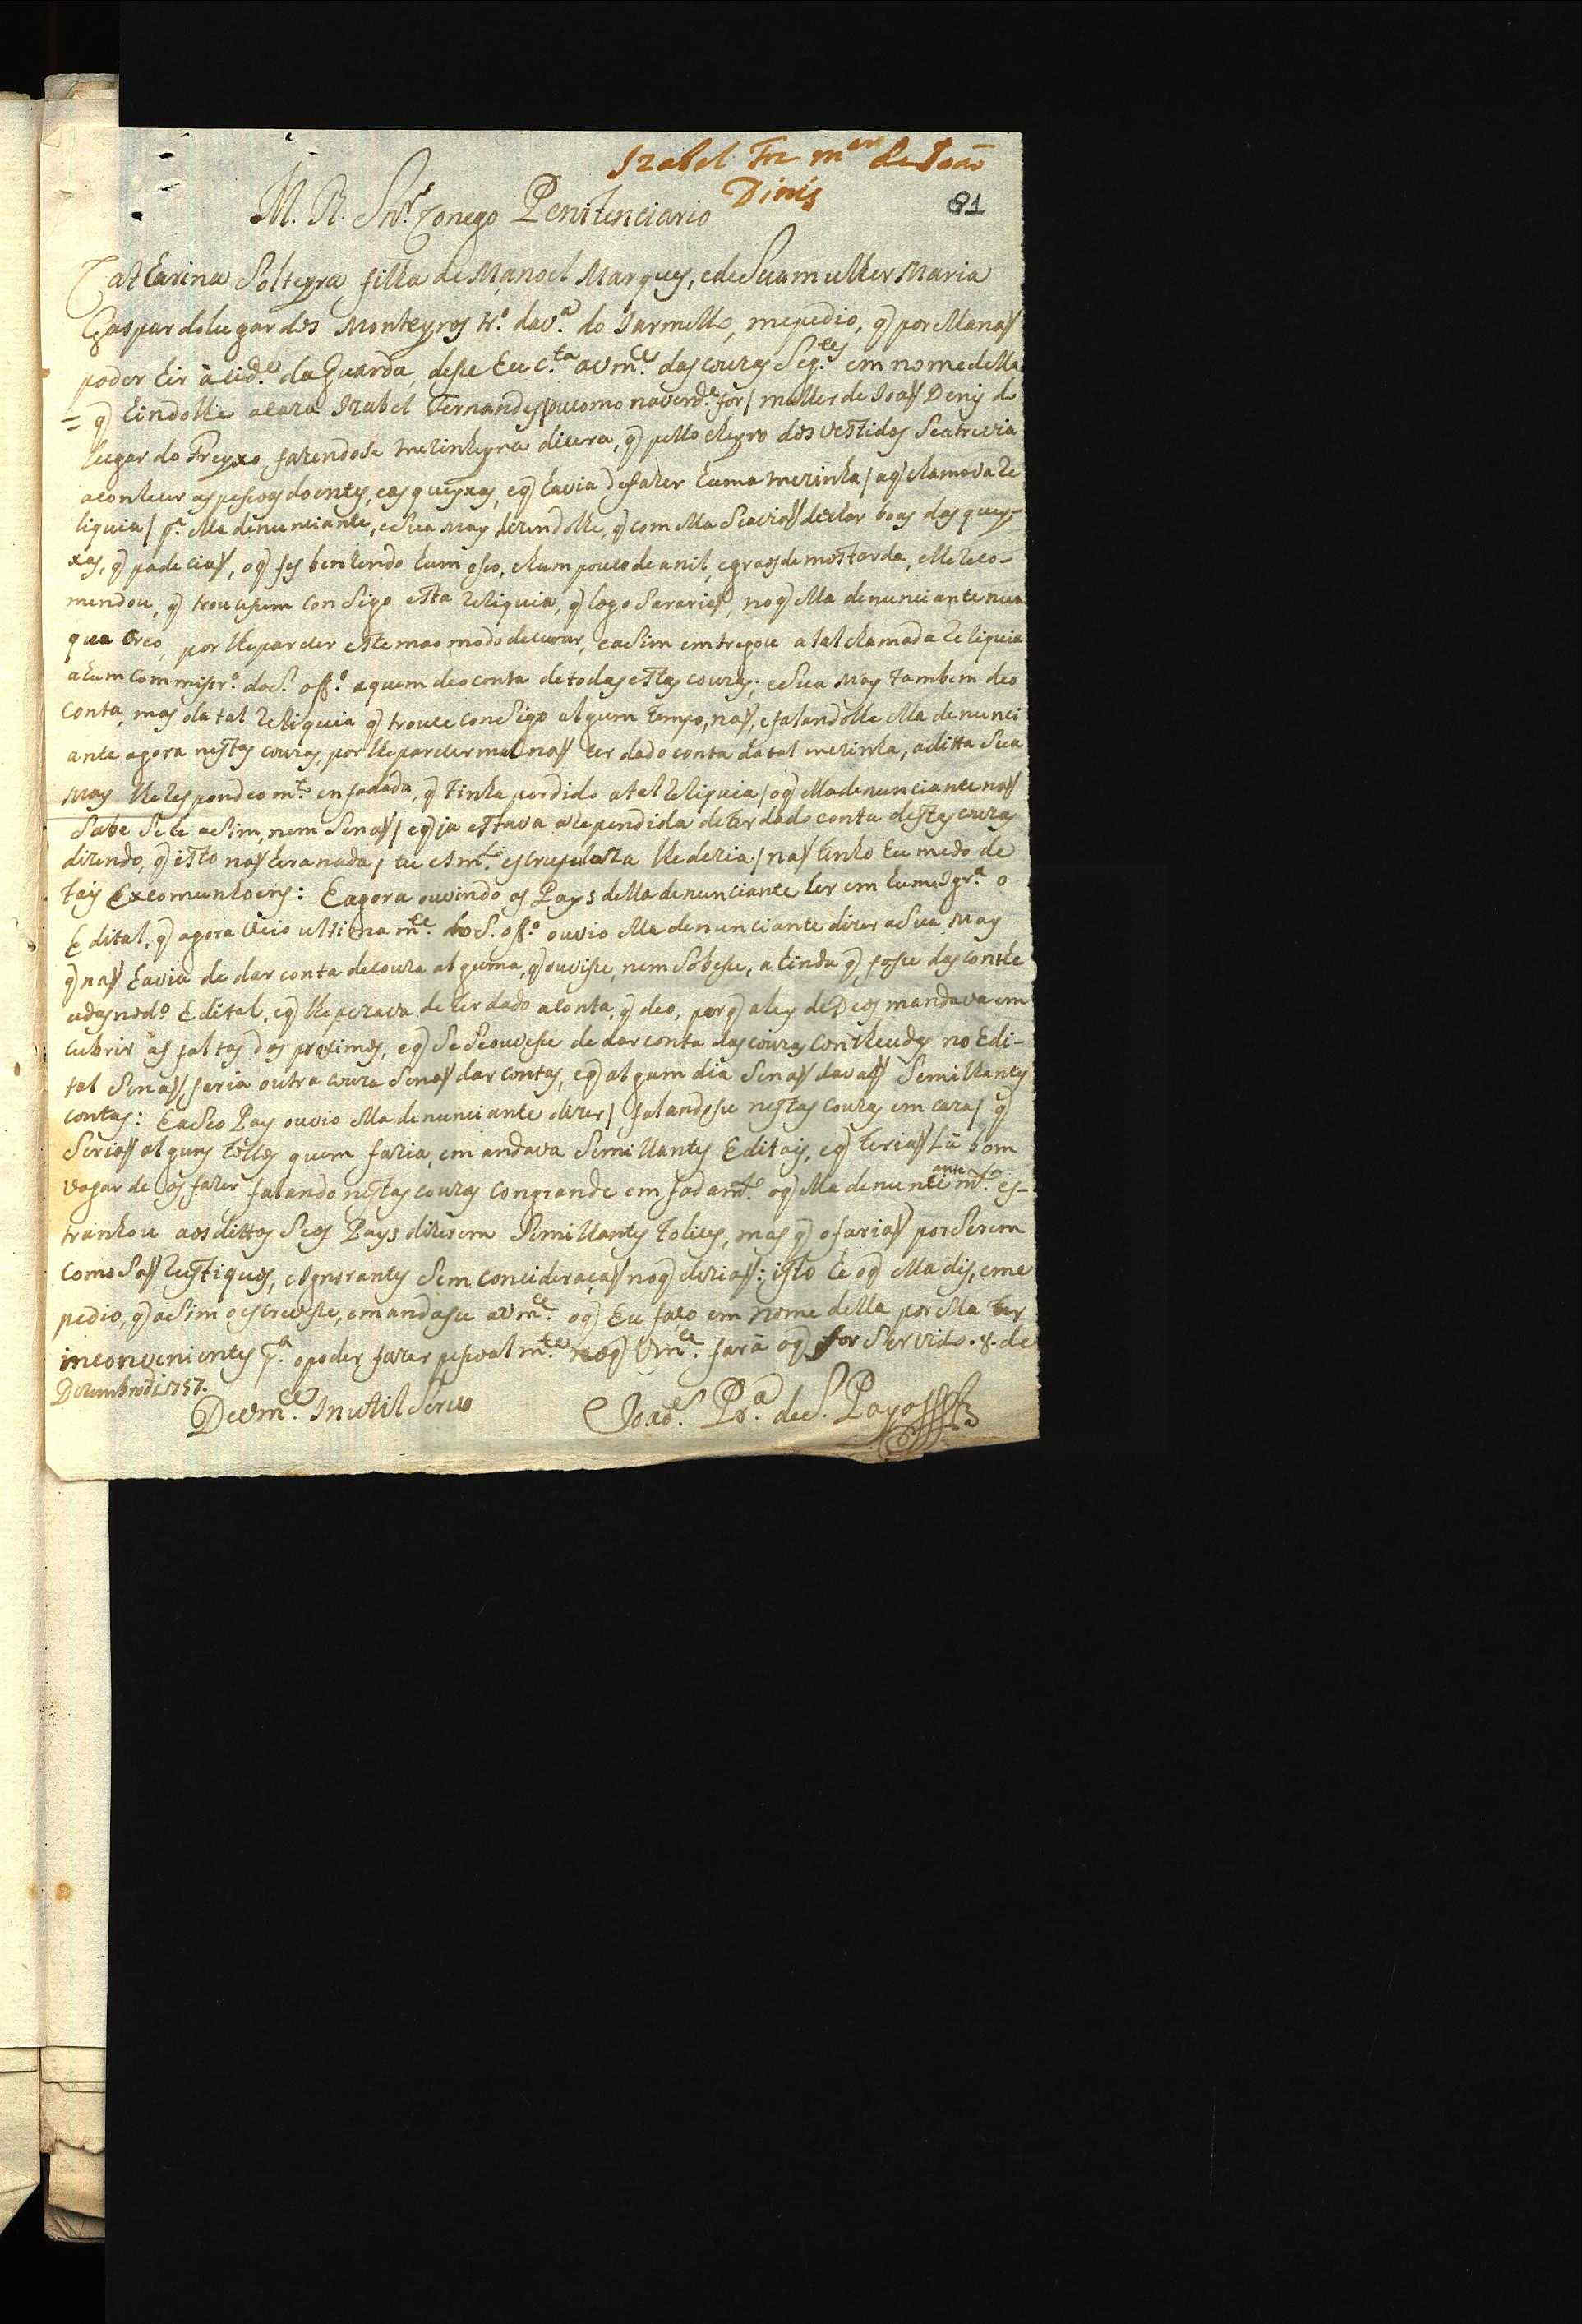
Izabel Frz mer de Ioaõ
Diniz
M. R. Sn.r Conego Penitenciario
Catharina Solteyra filha de Manoel Marques, e de Sua mulher Maria
Gaspar do lugar dos Monteyros tr.o da v.a do Iarmello, me pedio, q̄ por ella naõ
poder hir à cid.e da Guarda, desse Eu c.ta a vm.ce das couzas Seg.tes em nome della
= q̄ hindolhe a caza Izabel Fernandes (ou como na verd.e for) mulher de Ioaõ Denis do
Lugar do Freyxo, fazendo-se mezinheyra dicera, q̄ pello cheyro dos vestidos Se atrevia
a conhecer as pessoas doentes, e as queyxas, e q̄ havia de fazer huma mezinha / a q̄ chamava Re
liquia/ p.a ella denunciante, e sua May dizendolhe, q̄ com ella Se aviaõ de achar boas das quey
xas, q̄ padeciā, o q̄ fes benzendo hum osso, e hum pouco de anil, e graos de mostarda, e lhe Reco
mendou, q̄ troucessem consigo esta Reliquia, q̄ logo Sarariaõ, no q̄ ella denunciante nun
qua creo, por lhe parecer este mao modo de curar, e asim emtregou a tal chamada Reliquia
a hum Commissr.o do S.to off.o a quem deo conta de todas estas couzas; e Sua Mãy tambem deo
conta, mas da tal Reliquia q̄ trouce conSigo algum tempo, naõ, e falandolhe ella denunci
ante agora nestas couzas, por lhe parecer mal naõ ter dado conta da tal mezinha, a ditta Sua
May lhe respondeo m.to enfadada, q̄ tinha perdido a tal Reliquia / o q̄ ella denunciante naõ
sabe se he aSim, nem Se naõ/ e q̄ já estava aRependida de ter dado conta destas couzas
dizendo, q̄ isto naõ hera nada/ tu es m.to escrupoloza lhe dezia./ naõ tenho Eu medo de
tais Excomunhoens: E agora ouvindo os Pays della denunciante Ler em huma Igr.a o
Edital, q̄ agora ueio ultimam.te do S. off.o ouvio ella denunciante dizer a Sua May
q̄ naõ havia de dar conta de couza alguma, q̄ ouvisse, nem Sobesse, ahinda q̄ fosse das conthe
udas no d.o Edital, e q̄ lhe pezava de ter dado a conta, q̄ deo, porq̄ a ley de Deos mandava em
Cubrir as faltas dos proximos, e q̄ Se Se ouvesse de dar conta das couzas contheudas no Edi
tal Se naõ faria outra couza Senaõ dar contas, e q̄ algum dia Se naõ davaõ Semilhantes
contas: E a Seo Pay ouvio ella denunciante dizer/ falandosse nestas couzas em caza/ q̄
Seriaõ alguns tollos quem fazia, e mandava Semilhantes Editais, e q̄ teriaõ Là bom
vagar de os fazer falando nestas couzas con grande emfadamto o q̄ ella denunciante mto es
tranhou aos dittos Seos Pays dizerem Semilhantes tolices, mas q̄ o fariaõ por Serem
como saõ Rustiquos, e Ignorantes Sem concideraçaõ no q̄ diziaõ: isto he o q̄ ella dis, e me
pedio, q̄ asim o escrevesse, e mandasse a v m.ce o q̄ Eu faço em nome della por ella ter
inconuenientes p.a o poder fazer pessoalm.te no q̄ V m.ce farà o q̄ for Servido .8. de
Dezembro d̄ i757.
De V m.ce Inutil Seruo
